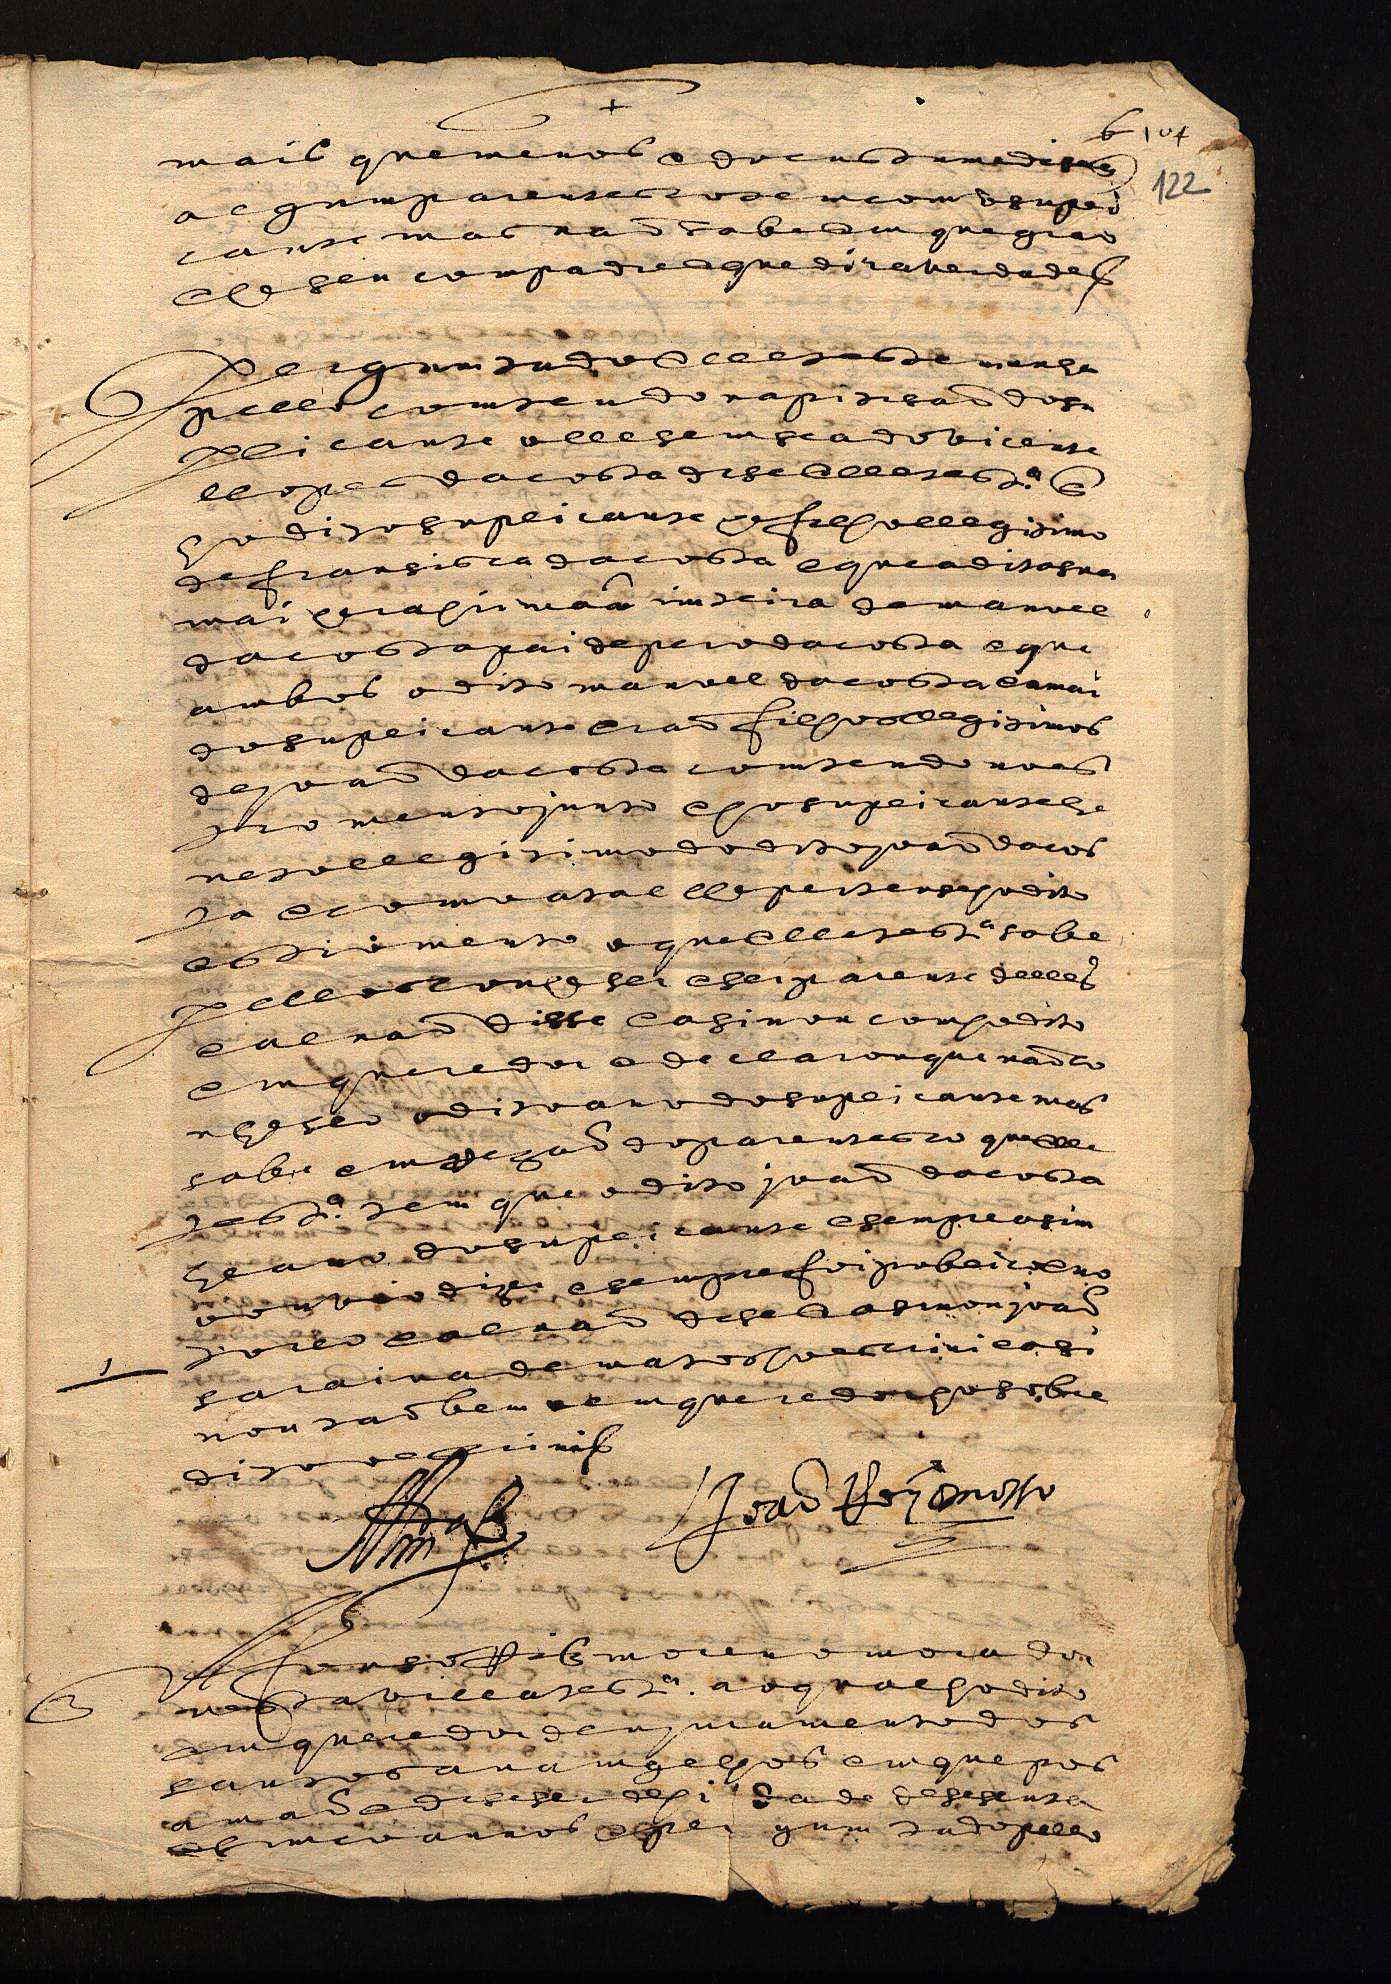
mais que menos e do custume dise q̄
algum parentesco tem com ho supli
cante mas naõ sabe em que grao
e he seu compadre e que dira verdade
pergumtado elle testemunha
pello comteudo na pitisaõ do su
plicante o llesemseado vicente
llopes da costa dise elle test.a q̄
ho dito suplicante he filho llegitimo
de fransisca da costa e que a dita sua
mai hera hirmaā imteira de manoel
da costa pai de pero da costa e que
ambos o dito manoel da costa e a mai
do suplicante eraõ filhos llegitimos
de joaõ da costa comteudo no es
tromento junto e ho suplicante he
neto llegitimo do dito joaõ da cos
ta e como a tal lhe pertense ho dito
estromento o que elle testa sabe
pellos conheser e ser parente delles
e al naõ disse e asinou com ho dito
emqueredor e declarou que não co
nheseo o dito auo do suplicante mas
sabe em Rezaõ do parentesco que elle
testa. tem que o dito joaõ da costa
he auo do suplicante e sempre asim
o ouvio dizer e sempre foi publico e no
toreo e al naõ dise e asinou joaõ
saraiua de matos ho escriui e asi
nou taõbem o emqueredor ho sobre
dito o escriui
item Afonso Riz̄ moreno morador
nesta villa testa. ao qual ho dito
emqueredor deu juramento dos
santos auangelhos em que pos
a maõ e dise ser de hidade de sesenta
e simco annos e pergumtado pello
